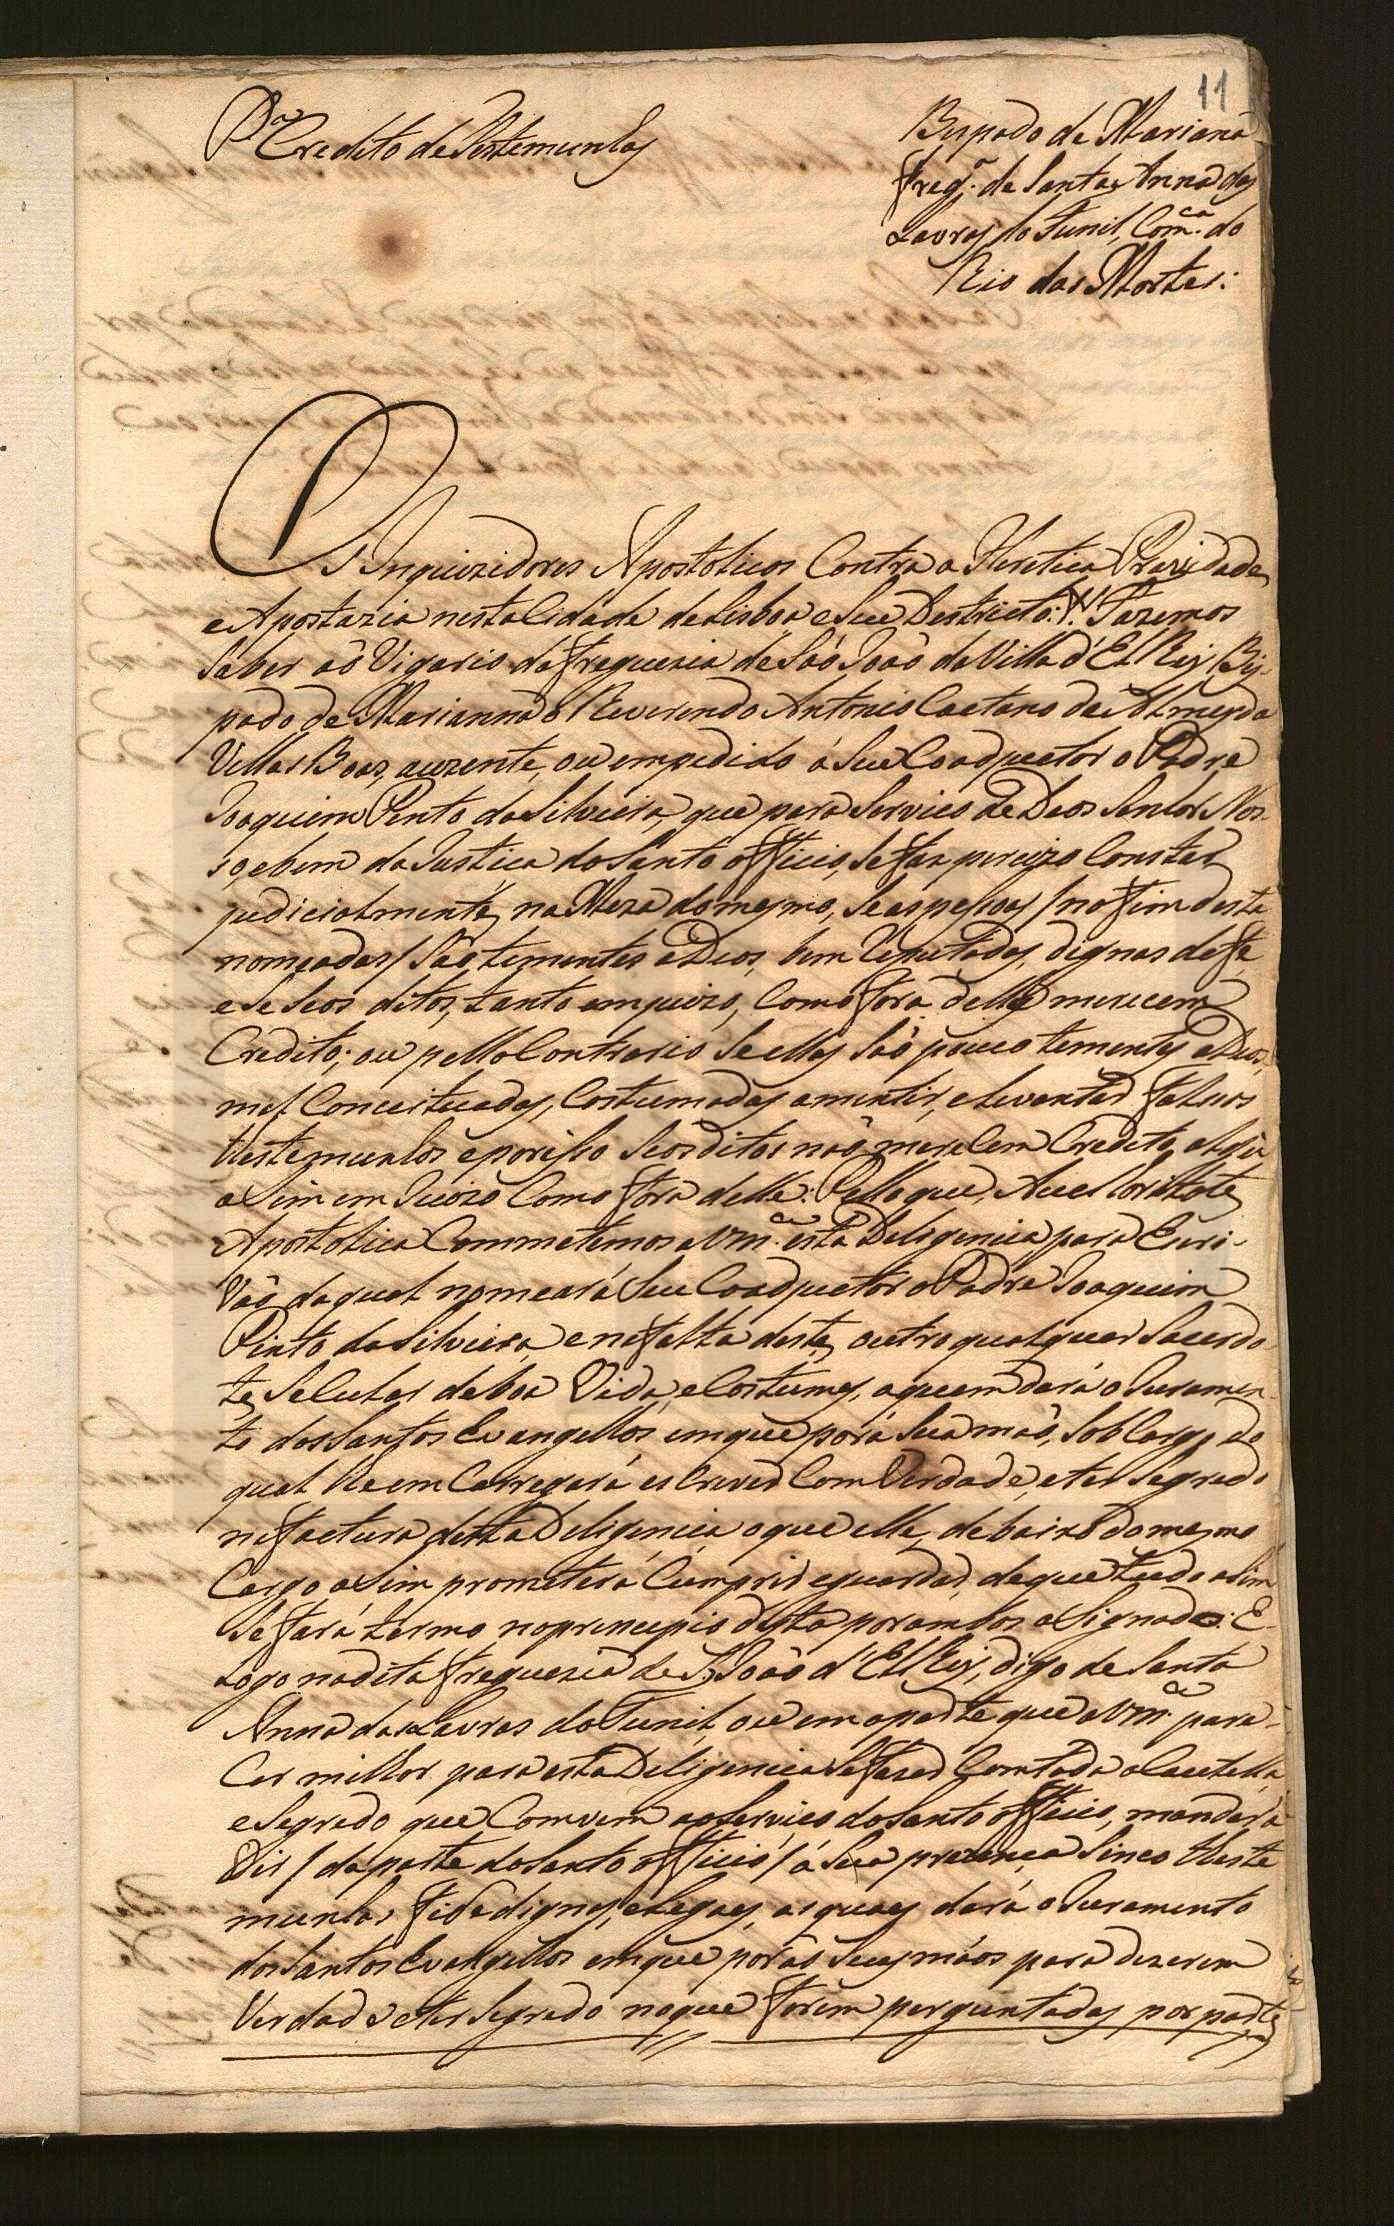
Pa Credito de Testemunhas
Bispado de Mariana
freg.a de Santa Anna das
Lavras do Funil, Com.ca do
Rio das Mortes:
Os Inquizidores Apostolicos Contra a Heretica Pravidade,
e Apostazia nesta Cidade de Lisboa e Seu Destricto: Etc. Fazemos
Saber ao Vigario da freguezia de Saõ Joaõ da Villa d´El Rey Bis
pado de Marianna o Reverendo Antonio Caetano de Almeyda
Villas Boas, auzente, ou empedido á Seu Coadjutor o Padre
Ioaquim Pinto da Silveira, que para Servico de Deos Senhor Nos
so, e bem da Iustiça do Santo officio, se faz percizo Constar
judicialmente na Meza do mesmo, Se as pessoas / no fim deste
nomeadas / São tementes a Deos, bem Reputadas, dignas de fe,
e se seos ditos, tanto em juizo, como fora delle merecem
Credito; ou pello Contrario se ellas saõ pouco tementes a Deos,
mal Conceituadas, Costumadas a mentir, e levantar falssos
testemunhos e por isso seos ditos naõ merecem Credito algū
aSim em Iuizo Como fora delle: Pello que, Aucthoritate
Apostolica Commetemos a vm.ce esta Deligencia, para Escri
Vaõ da qual nomeará Seu Coadjutor o Padre Ioaquim
Pinto da Silveira, e na falta deste, outro qualquer sacerdo
te seCular de boa Vida, e Costumes, a quem dará o Iuramen
to dos Santos Evangelhos em que porá Sua maõ, Sob Cargo do
qual lhe emCarregará escrever Com Verdade, e ter segredo
na factura desta Deligençia o que elle, debaixo do mesmo
Cargo aSim prometerá Cumprir e guardar, de que tudo aSim
se fará termo no prencepio desta por ambos aSignado. E
Logo na dita freguezia de S. João d´El Rey, digo de Santa
Anna das Lavras do Funil, ou em a parte que a V M.ce pare
Cer milhor para esta Deligencia se fazer Com toda a Cautella,
e segredo que Convem ao Serviço do Santo officio, mandara
Vir / da parte do Santo officio / á sua prezença sinco theste
munhas fidedignas, e legaes, as quaes dará o Iuramento
dos santos Evangelhos em que porão suas mãos para dezerem
Verdade e ter segredo no que forem perguntadas por parte
